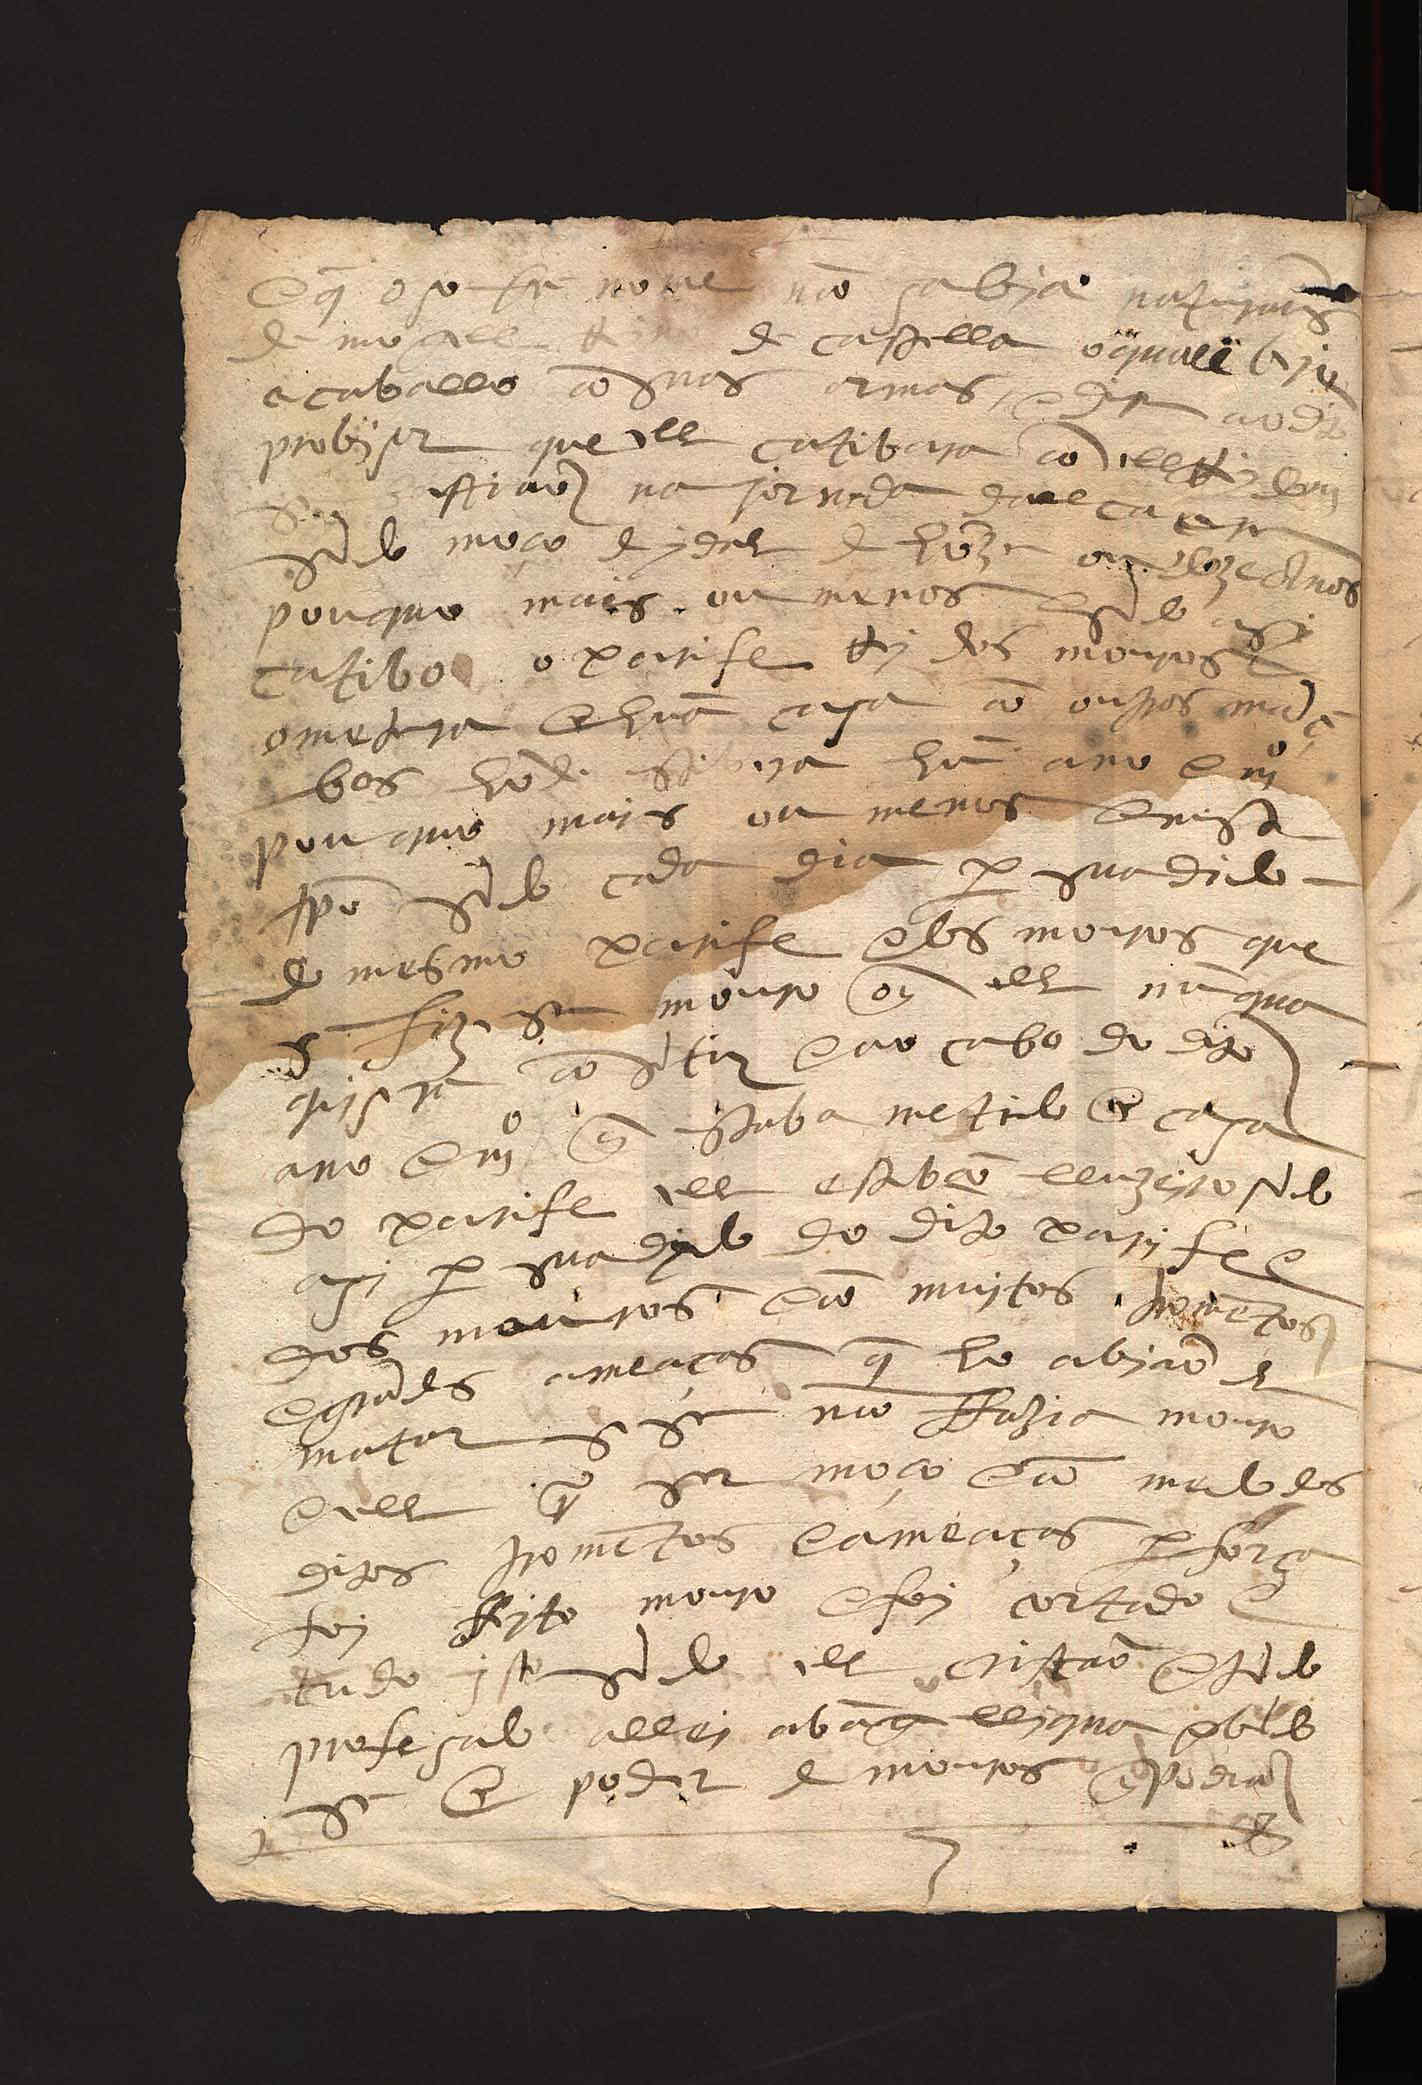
e q̄ o sobrenome não sabja naturais
de mogell Reino de castella o quall vejo
a cavallo cō suas armas / e dise ao dito
provjsor que elle cativara c̄o ell Rej dom
sebastiaõ na jornada dallcacere
sēdo moço de jdade de hōze ou doze Anos
pouquo mais ou menos e sēdo asy
cativo o xarife Rej dos mouros
o metera ē huā casa c̄o outros māce
bos hōde estivera hū ano e mo
pouquo majs ou menos e neste
tp̄o sēdo cada dia ꝑsuadido
do mesmo xarife e dos mouros que
se fizese mouro o q̄ elle nūqua
qujsera c̄osētir e ao cabo do dito
ano e mo q̄ estava metido ē casa
do xarife elle estevaõ lluzejro sēdo
asi ꝑsuadydo do dito xarjfe e
dos mouros e c̄o mujtos tromētos
e grādes ameaças q̄ ho avjão de
matar se se não ffazia mouro
e elle p̄o ser moço e c̄o medo dos
ditos tromētos e ameaças ꝑ força
foj ffejto mouro e foy cortado e
tudo jsto sēdo elle cristaõ e tēdo
profesado a llei avāgelljqua e vēdo
se ē poder de mouros q̄ podiaõ
